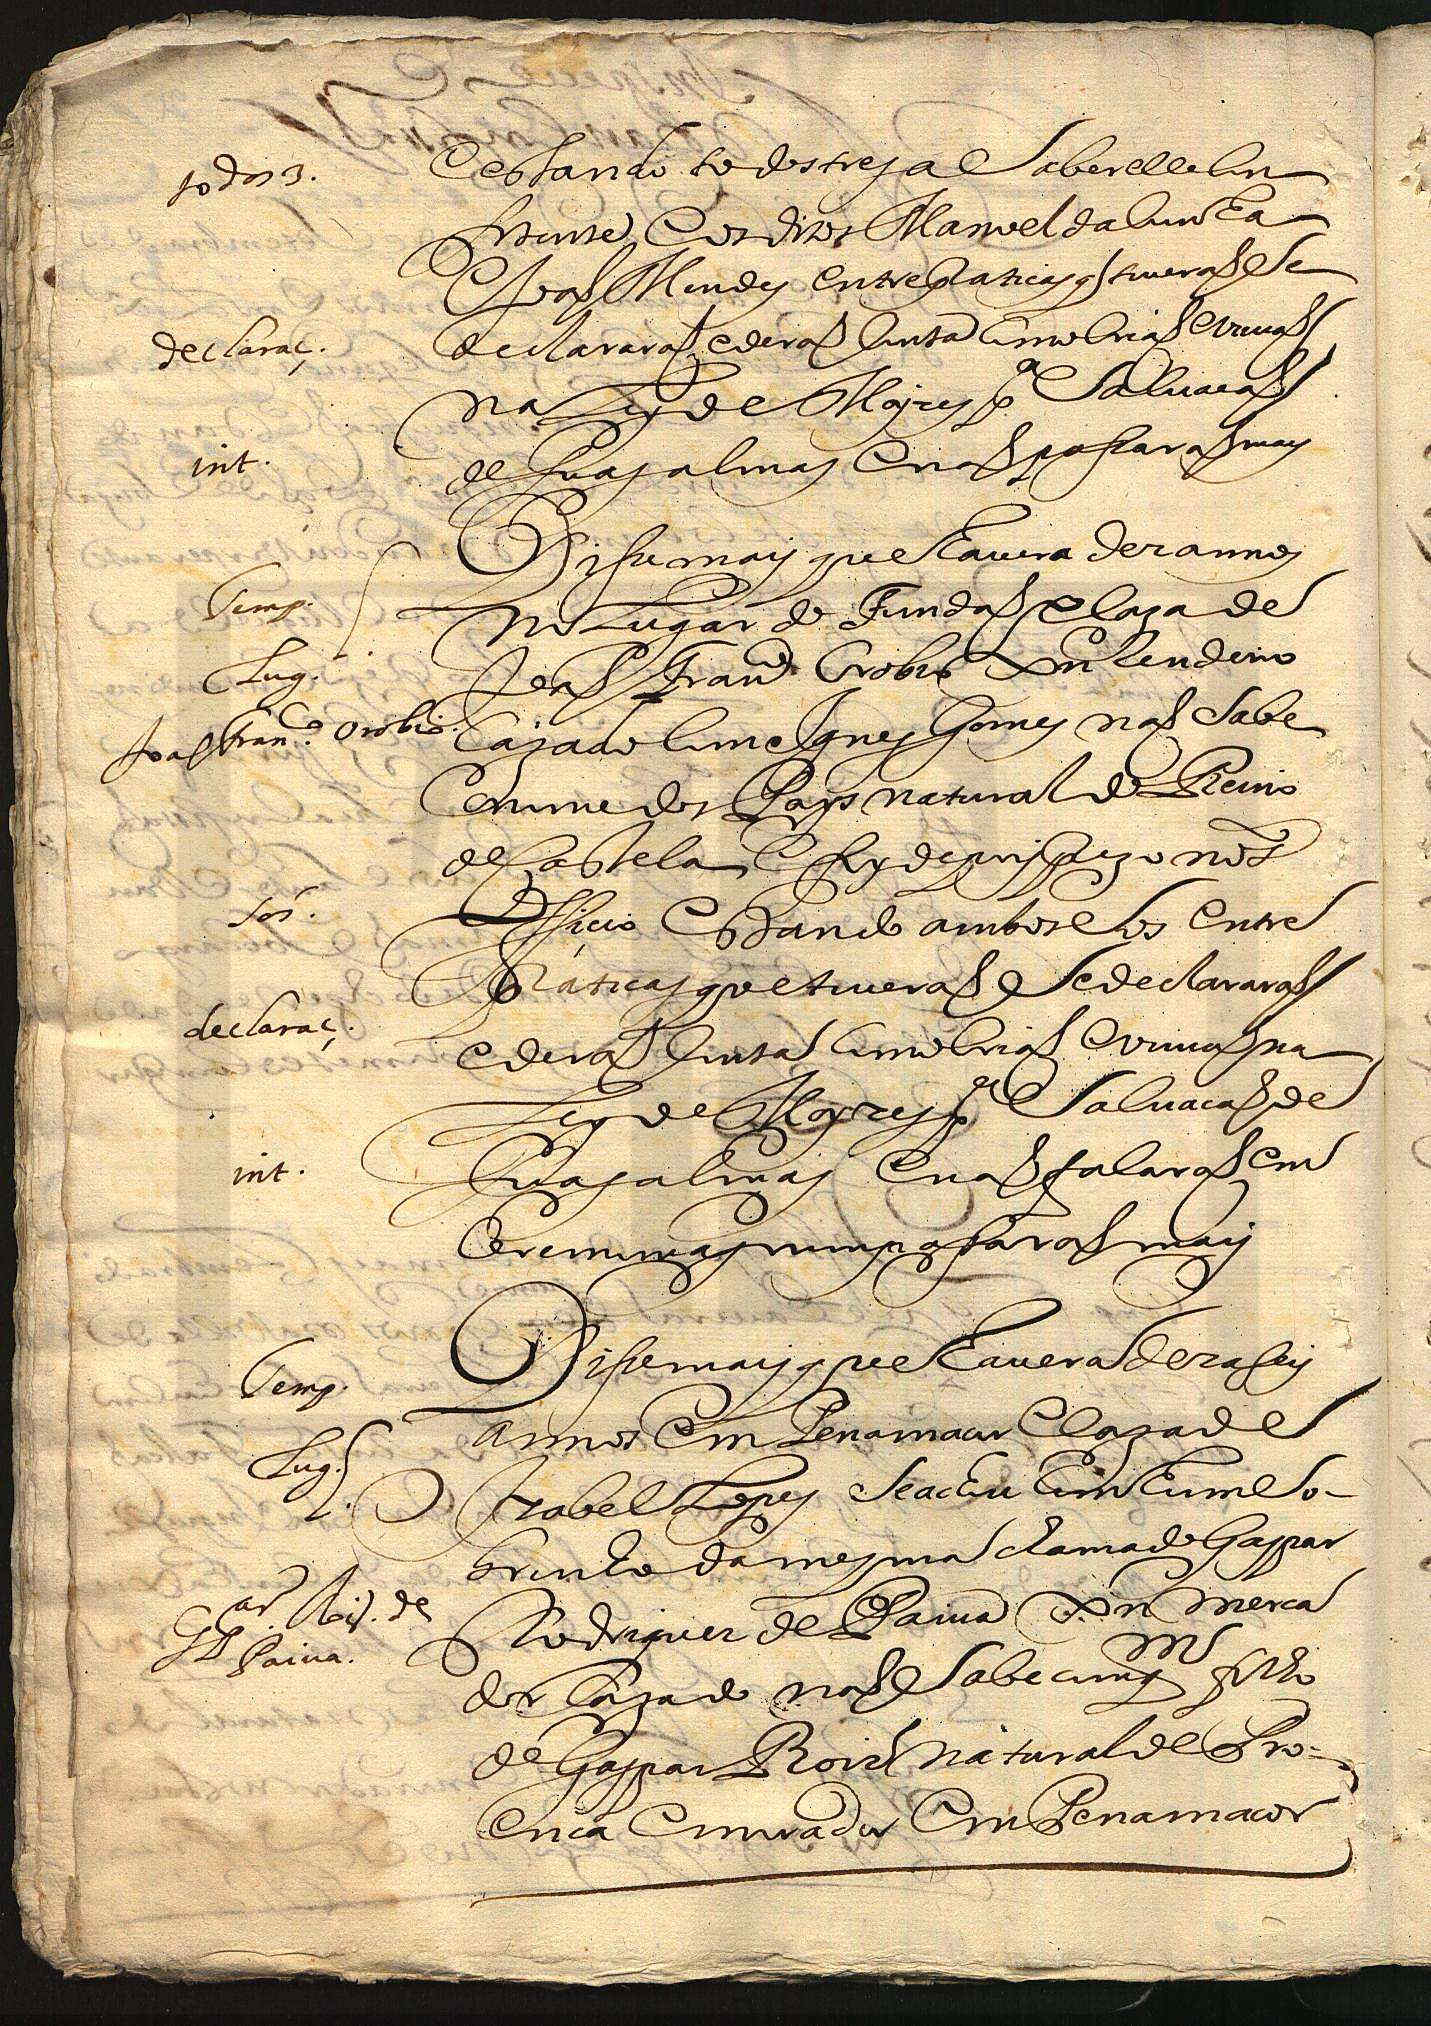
e estando todos tres a Saber elle Con
todos 3.
fitente, e os ditos Manoel da Cunha
E Joaõ Mendes entre pRaticas q̄ tiueraõ Se
declararaõ, e deraõ Conta como criaõ e viuiaõ
declaraç.
na Ley de Moyzes pa Saluaçaõ
de suas almas e naõ passaraõ mais
int.
Disse mais que hauera dez annos
Temp.
no Lugar do Fundaõ e Caza de
Joaõ Fran.co Crobio xn Rendeiro
Lug.
Cazado Com Ignes Gomes naõ Sabe
Joaõ Fran.co o robio.
o nome dos Pays natural do Reino
de Castela E foy depois pRezo no sto
sós.
Officio estando ambos Sos entre
pRaticas que tiueraõ Se declararaõ
declaraç.
e deraõ Conta Como Criaõ e viuiaõ na
Ley de Moyzes pa Saluaçaõ de
suas almas E naõ falaraõ em
int.
Ceremonias nem passaraõ mais
Disse mais que hauera dezaseis
Temp.
annos em Penamacor E Caza de
Lug.
Jzabel Lopes Se achou com hum So
brinho da mesma chamado Gaspar
Rodriguez de Paiua xn merca
Gpar. Rois̄. de
Paiua.
dor cazado naõ Sabe com qm filho
de Gaspar Roiz̄ natural de Pro
ença e morador Em Penamacor
